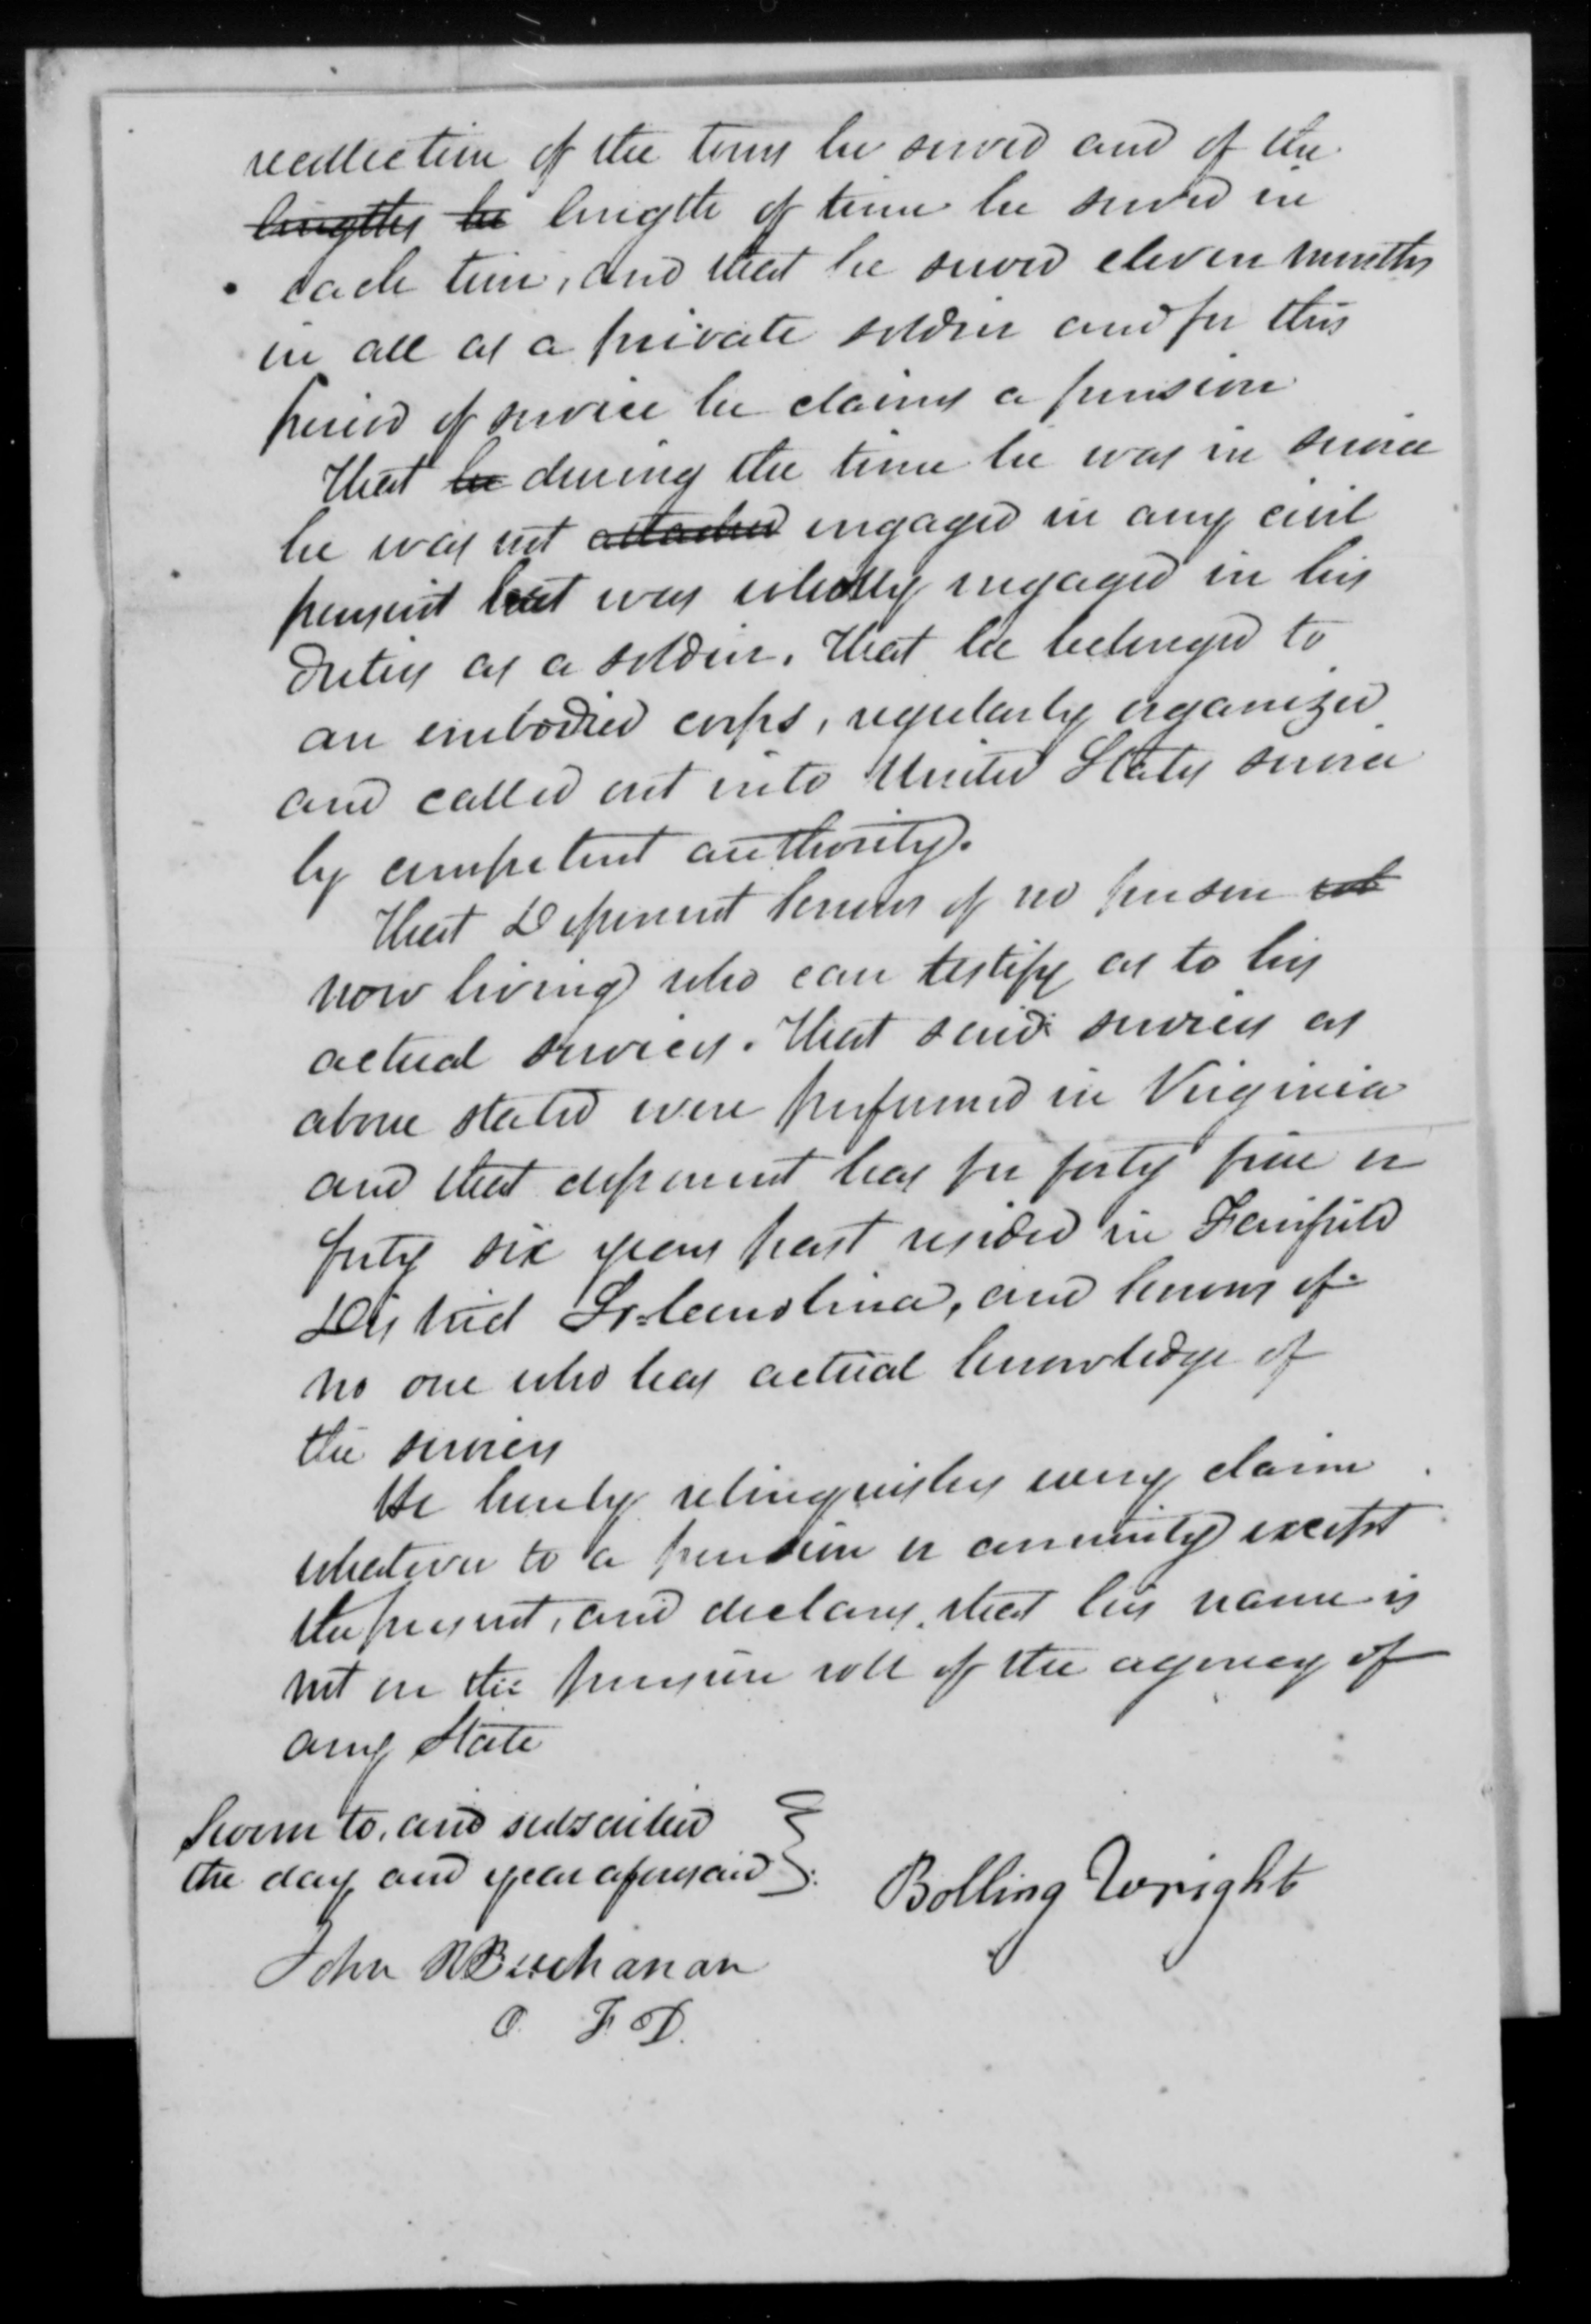recollection of the tours he served and of the length of time he served in each time, and that he served eleven months in all as a private soldier and for this period of service he claims a pension
That during the time he was in service he was not engaged in any civil pursuit but was wholly engaged in his duties as a soldier. That he belonged to an embodied corps, regularly organized, and called out into United States service by competent authority.
That Deponent knows of no person now living who can testify as to his actual services. That said services as above stated were performed in Virginia and that deponent has for forty five or forty six years past resided in Fairfield District So Carolina, and knows of no one who has actual knowledge of the services
He hereby relinquishes every claim whatever to a pension or annuity except the present, and declares that his name is not on the pension roll of the agency of any State
Sworn to and subscribed} Bolling Wright
the day and year aforesaid}
John R Buchanan
O.F.D.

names: Bolling Wright, John R Buchanan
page: 16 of 81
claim: widow's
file: W. 5183, Bolling Wright, Va.